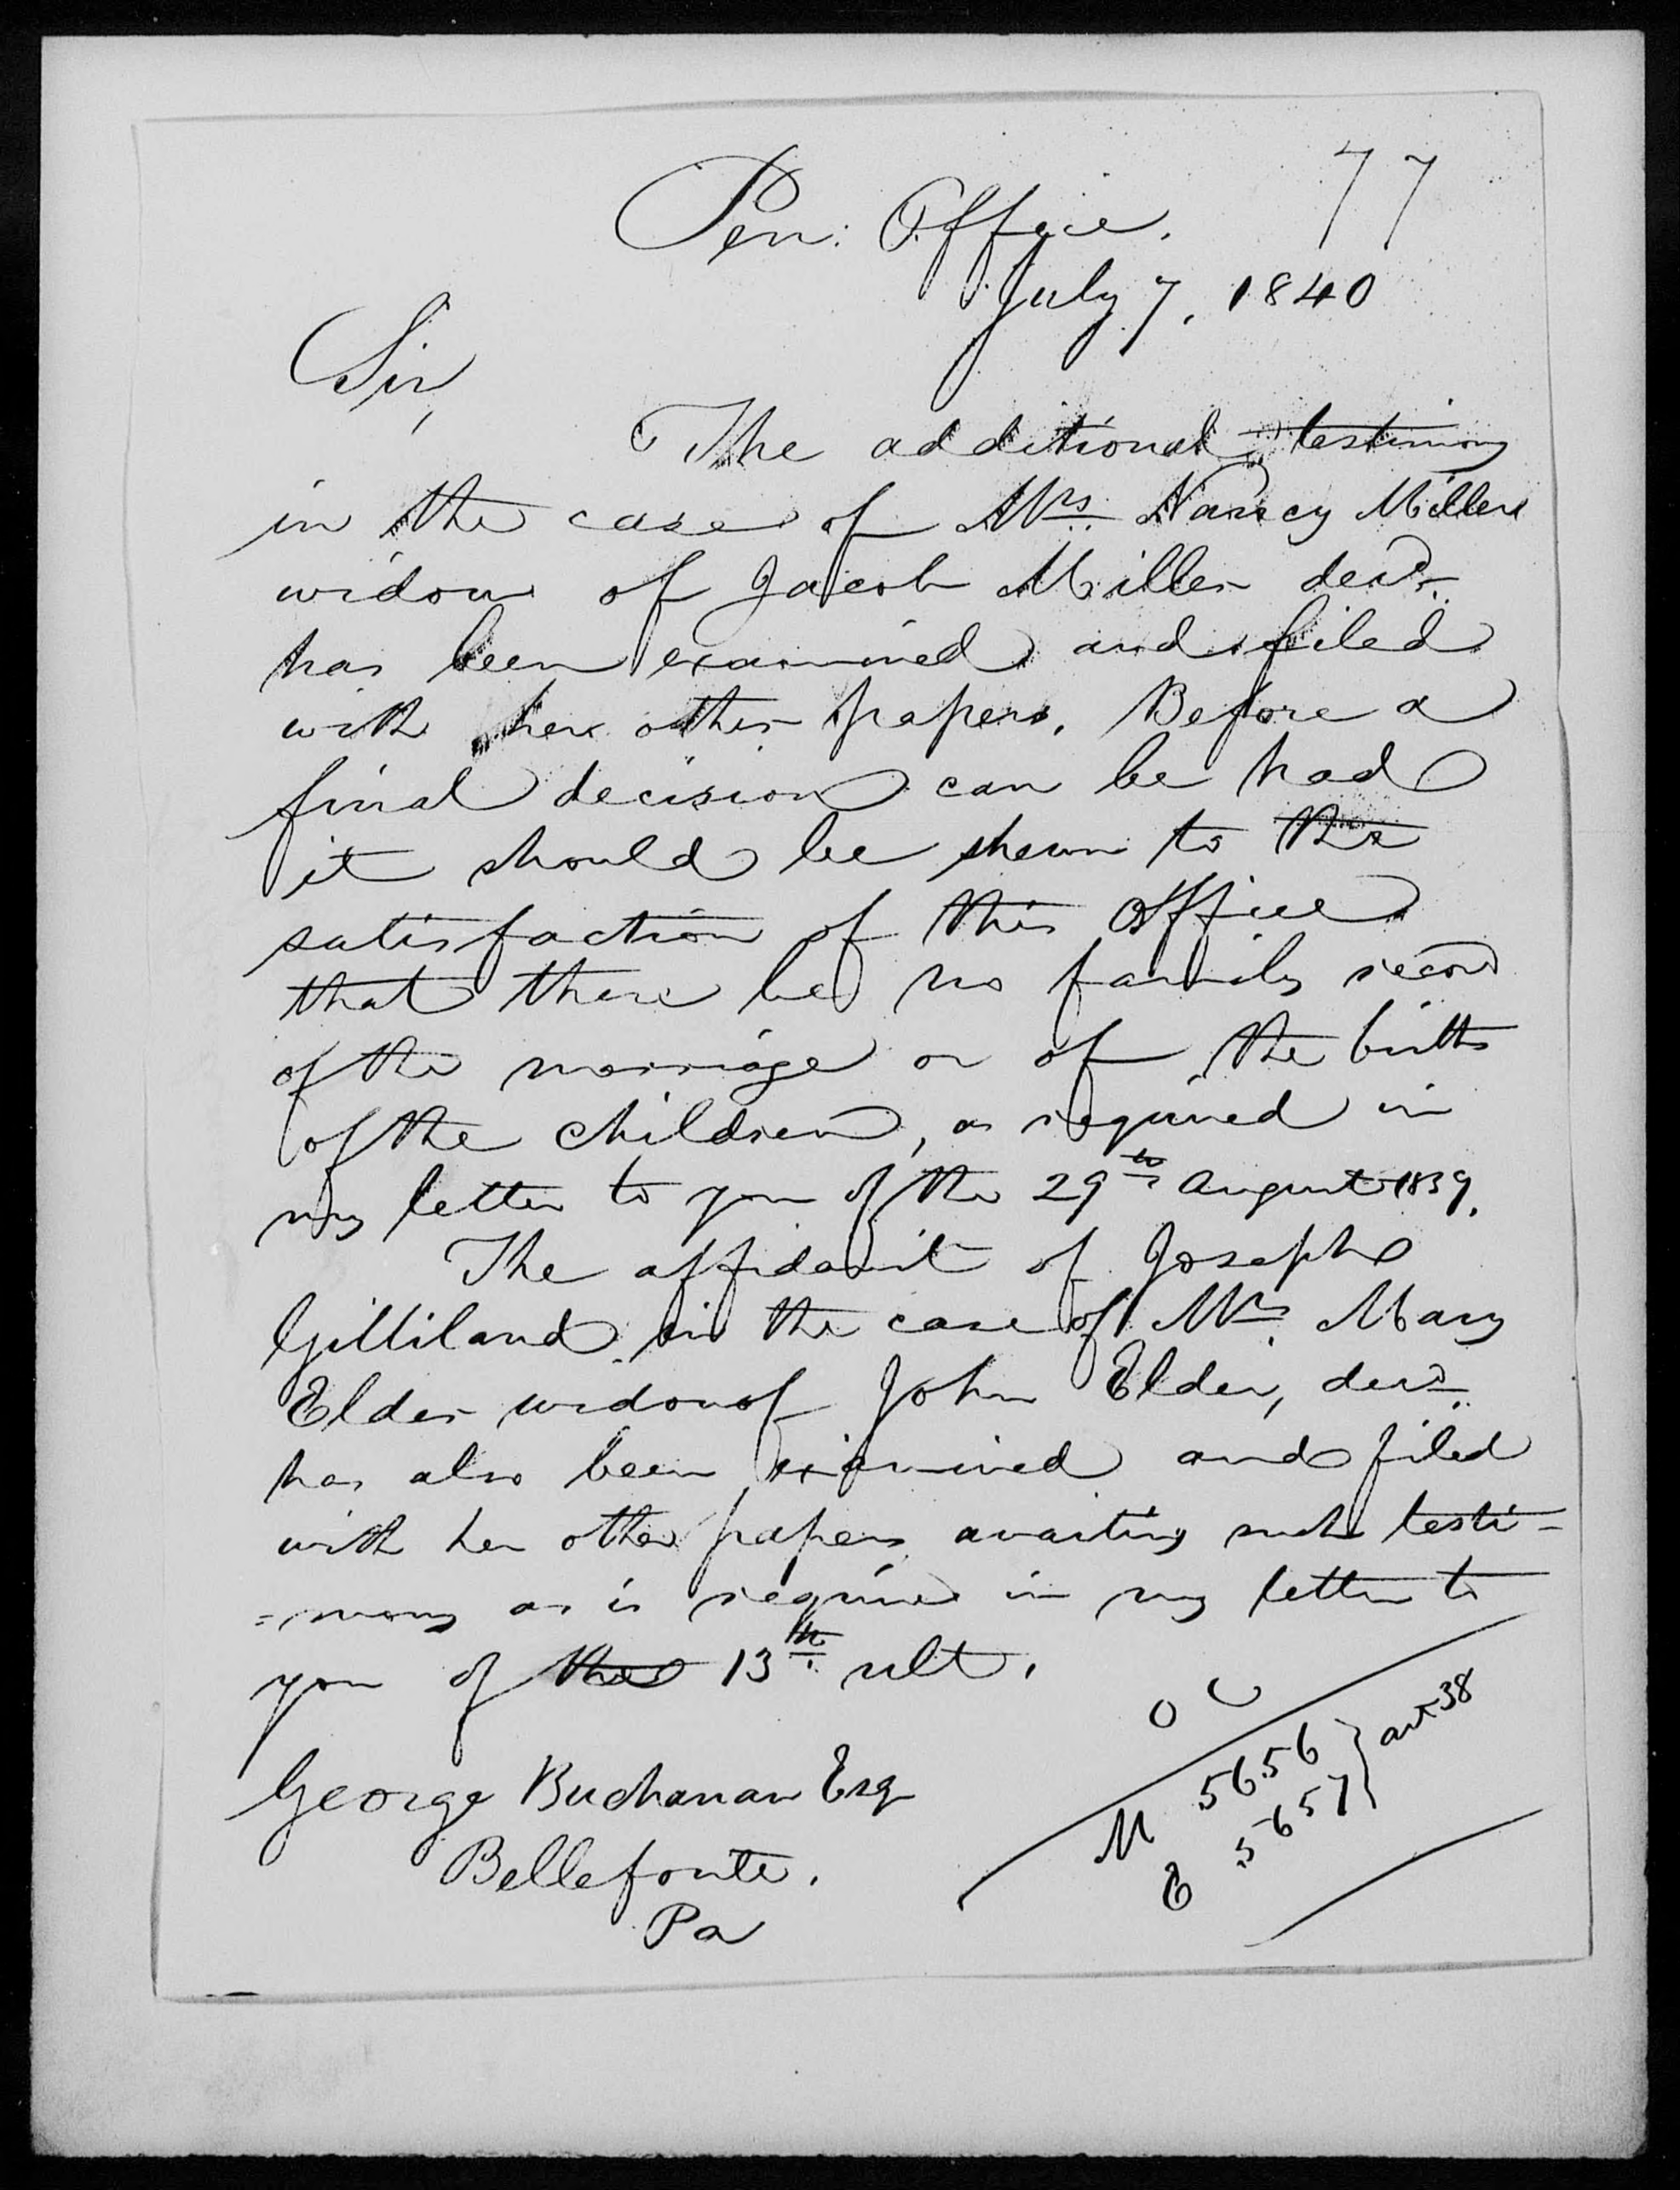Pen Office                                  77
                                                   July 7, 1840

Sir,
               The additional testimony 
in the case of Mrs. Nancy Miller
widow of Jacob Miller dec
has been examined and filed
with the other papers.  Before a 
final decision can be had
it should be shown to the
satisfaction of this office
that there be no family record 
of the marriage or of the birth
of the children, as required in
my letter to you of the 29th August 1839.
        The affidavit of Joseph 
Gilliland in the case of Mrs. Mary 
Elder, widow of John Elder dec
has also been examined and filed
with her other papers awaiting much testi-
mony or is (illegible) in my letter to
you of the 13th. ult,

George Buchanan Esq                     OC
       Bellafonte,                  M 5656    
                   Pa                     E 5657     art38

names: Nancy Miller, Mary Elder, John Elder, George Buchanan, Joseph Gilliland, Jacob Miller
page: 23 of 80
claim: widow's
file: W. 24117, John Elder, Penn.